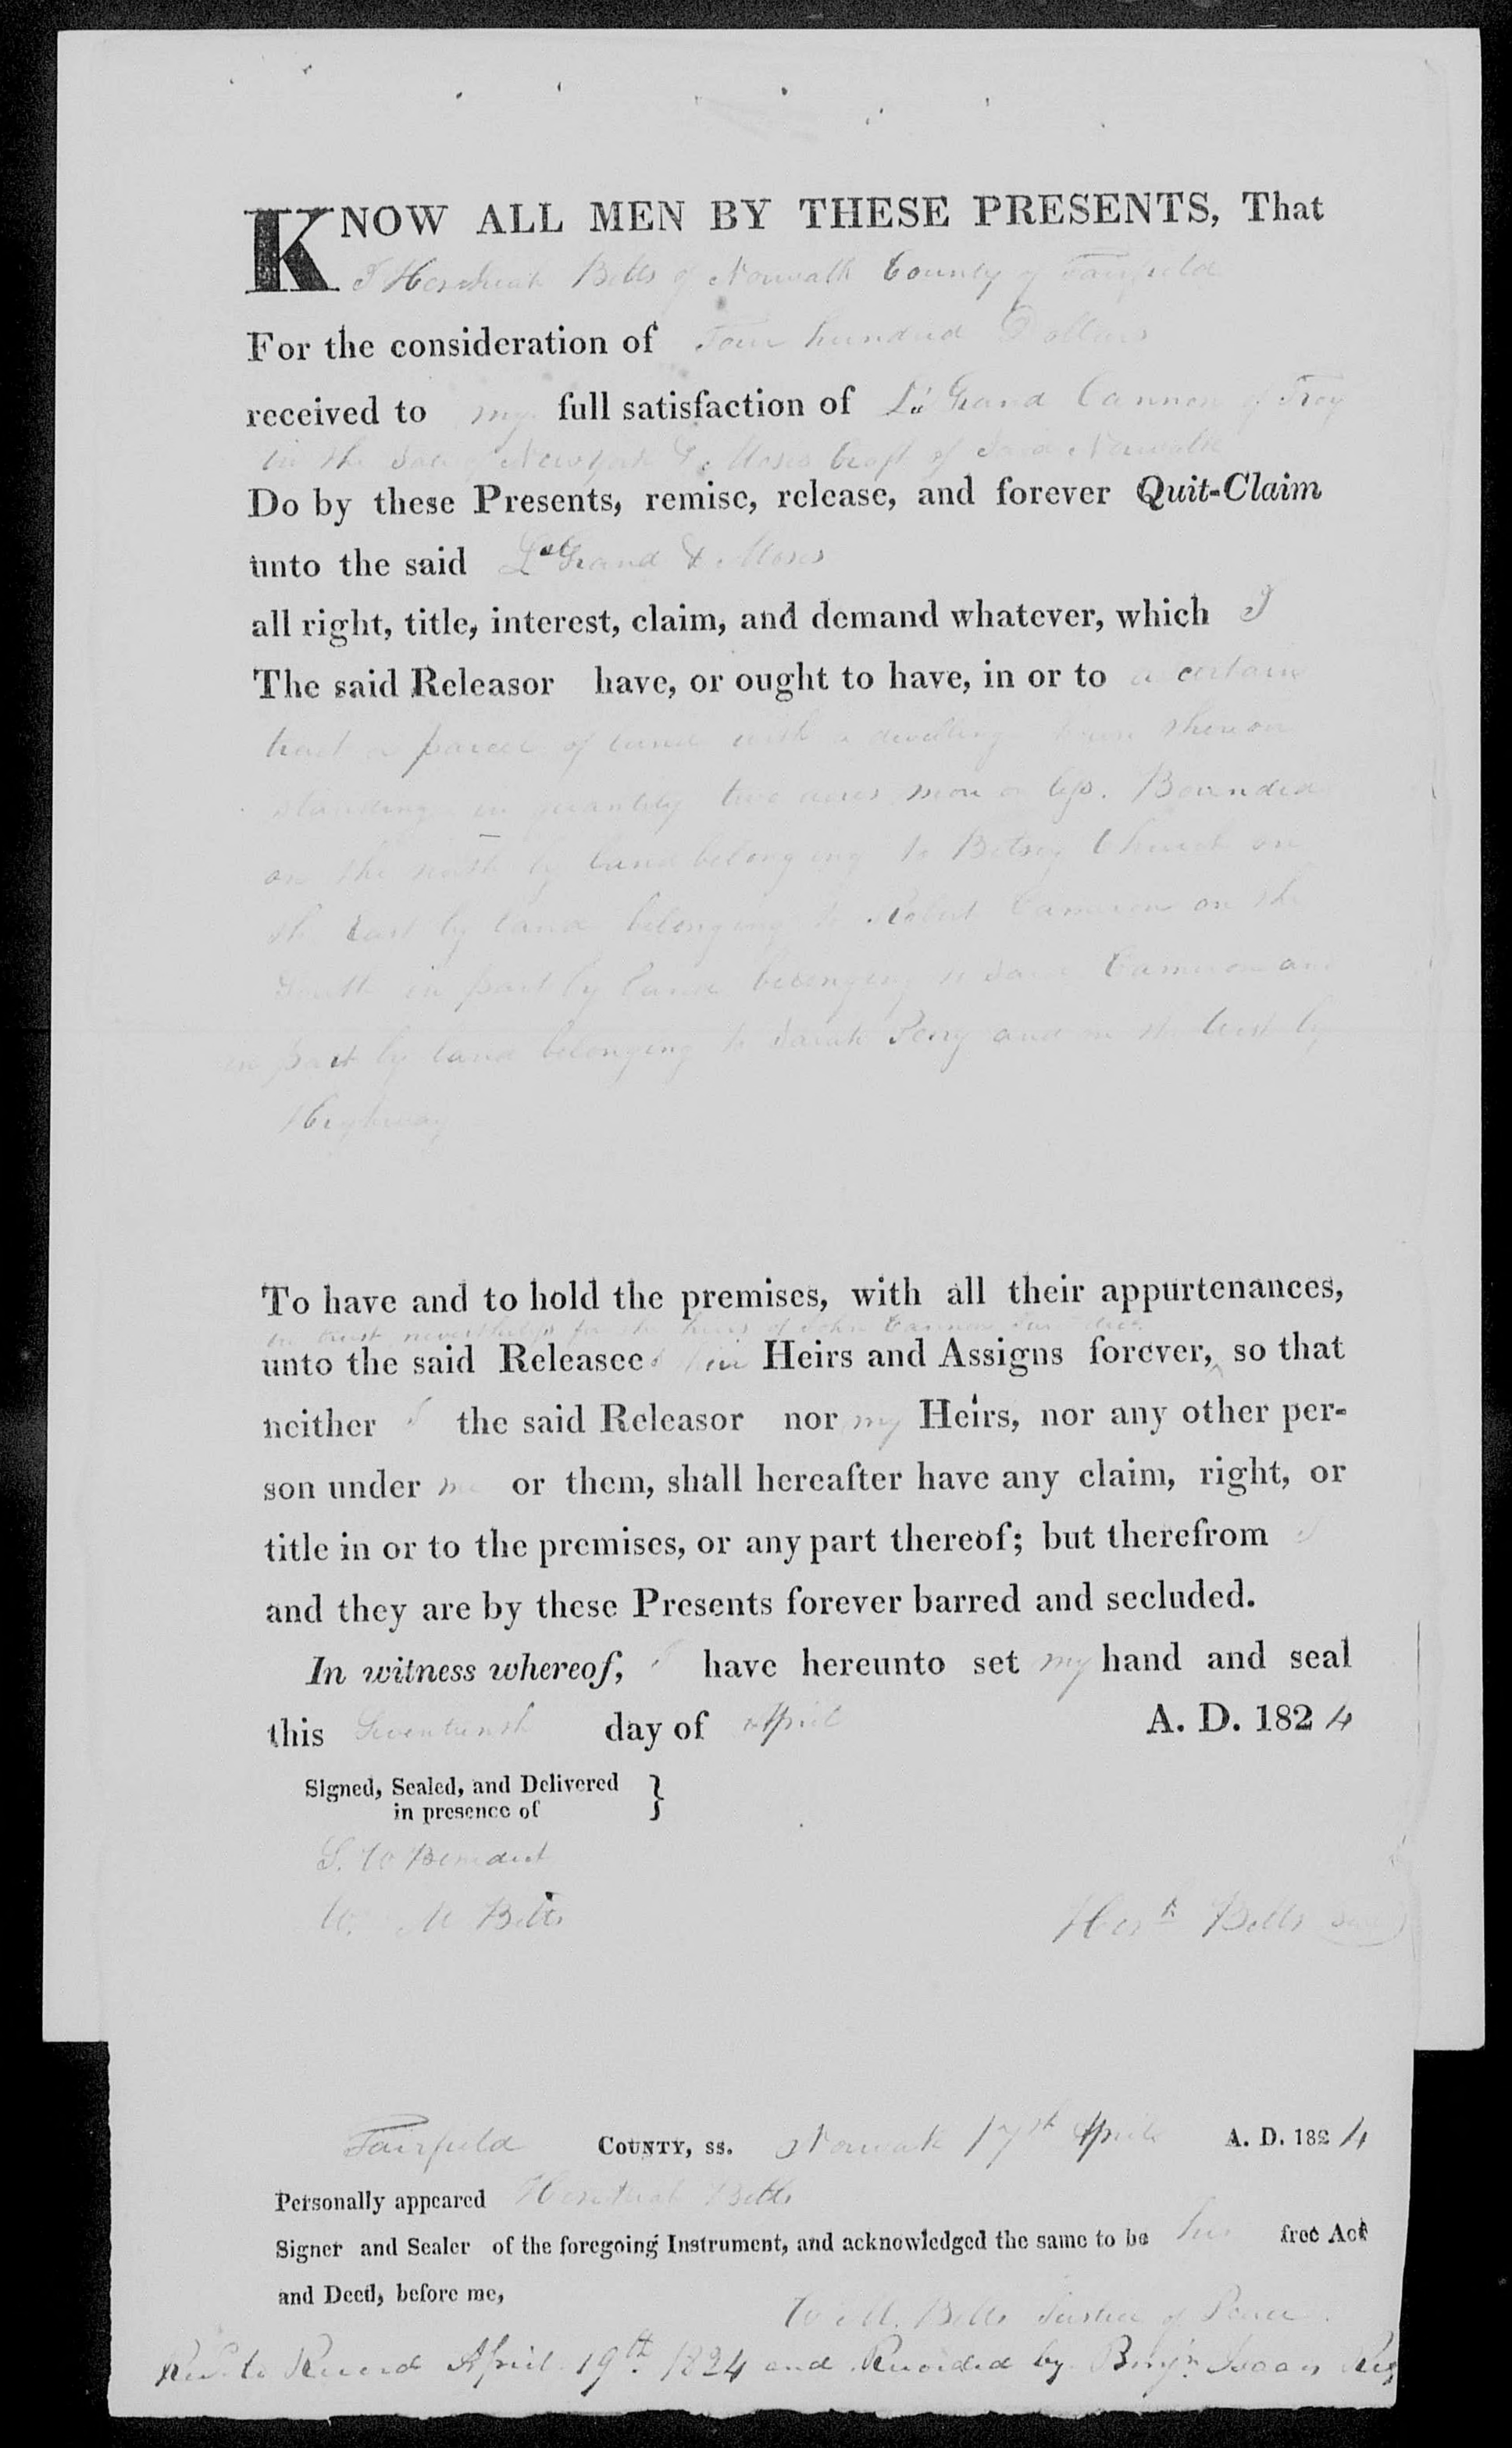KNOW ALL MEN BY THESE PRESENTS, That I Hezekiah Betts of Norwalk County of Fairfield
For the consideration of Four hundred Dollars
received to my full satisfaction of  Le Grand Cannon of Troy int he State of New York & Moses Craft of said Norwalk
Do by these Presents, remise, release, and forever Quit-Claim
unto the said Le Grand & Moses
all right, title, interest, claim, and demand whatever, which I 
The said Releasor have, or ought to have, in or to a certain
had a parcel of land with a dwelling from whereon starting in quantity two acres more or less. Bounded on the north by land belonging to Betsy Church on the East by land belonging to Robert Cannon on the South in part by land belonging to said Cannon and in part by land belonging to Sarah Perry and in the West by Highway

To have and to hold the premises, with all their appurtenances, unto the said Releasee of his Heirs and Assigns forever,  to trust never fully for the heirs of John Cannon as decd., so that neither I the said Releasor nor my heirs, nor any other person under me or them, shall hereafter have any claim, right, or title in or to the premises, or any part thereof; by therefrom I and they are by these Presents forever barred and secluded. 
In witness whereof, I have hereunto set my hand and seal this Seventeenth day of April A.D. 1824
Signed, Sealed, and Delivered}
in presence of}
S. W Benedict
W. M. Betts

Hezk Betts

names: Betsey Church, Sarah Perry, Moses Craft, Hezekiah Betts, W M Betts, Le Grand Cannon, Hezekiah Betts, Le Grand, John Cannon, Moses, W M Betts, Benjn Isaacs, S W Benedict, Hezh Betts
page: 31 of 61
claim: widow's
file: W. 29,929, Hezekiah Betts, Conn.